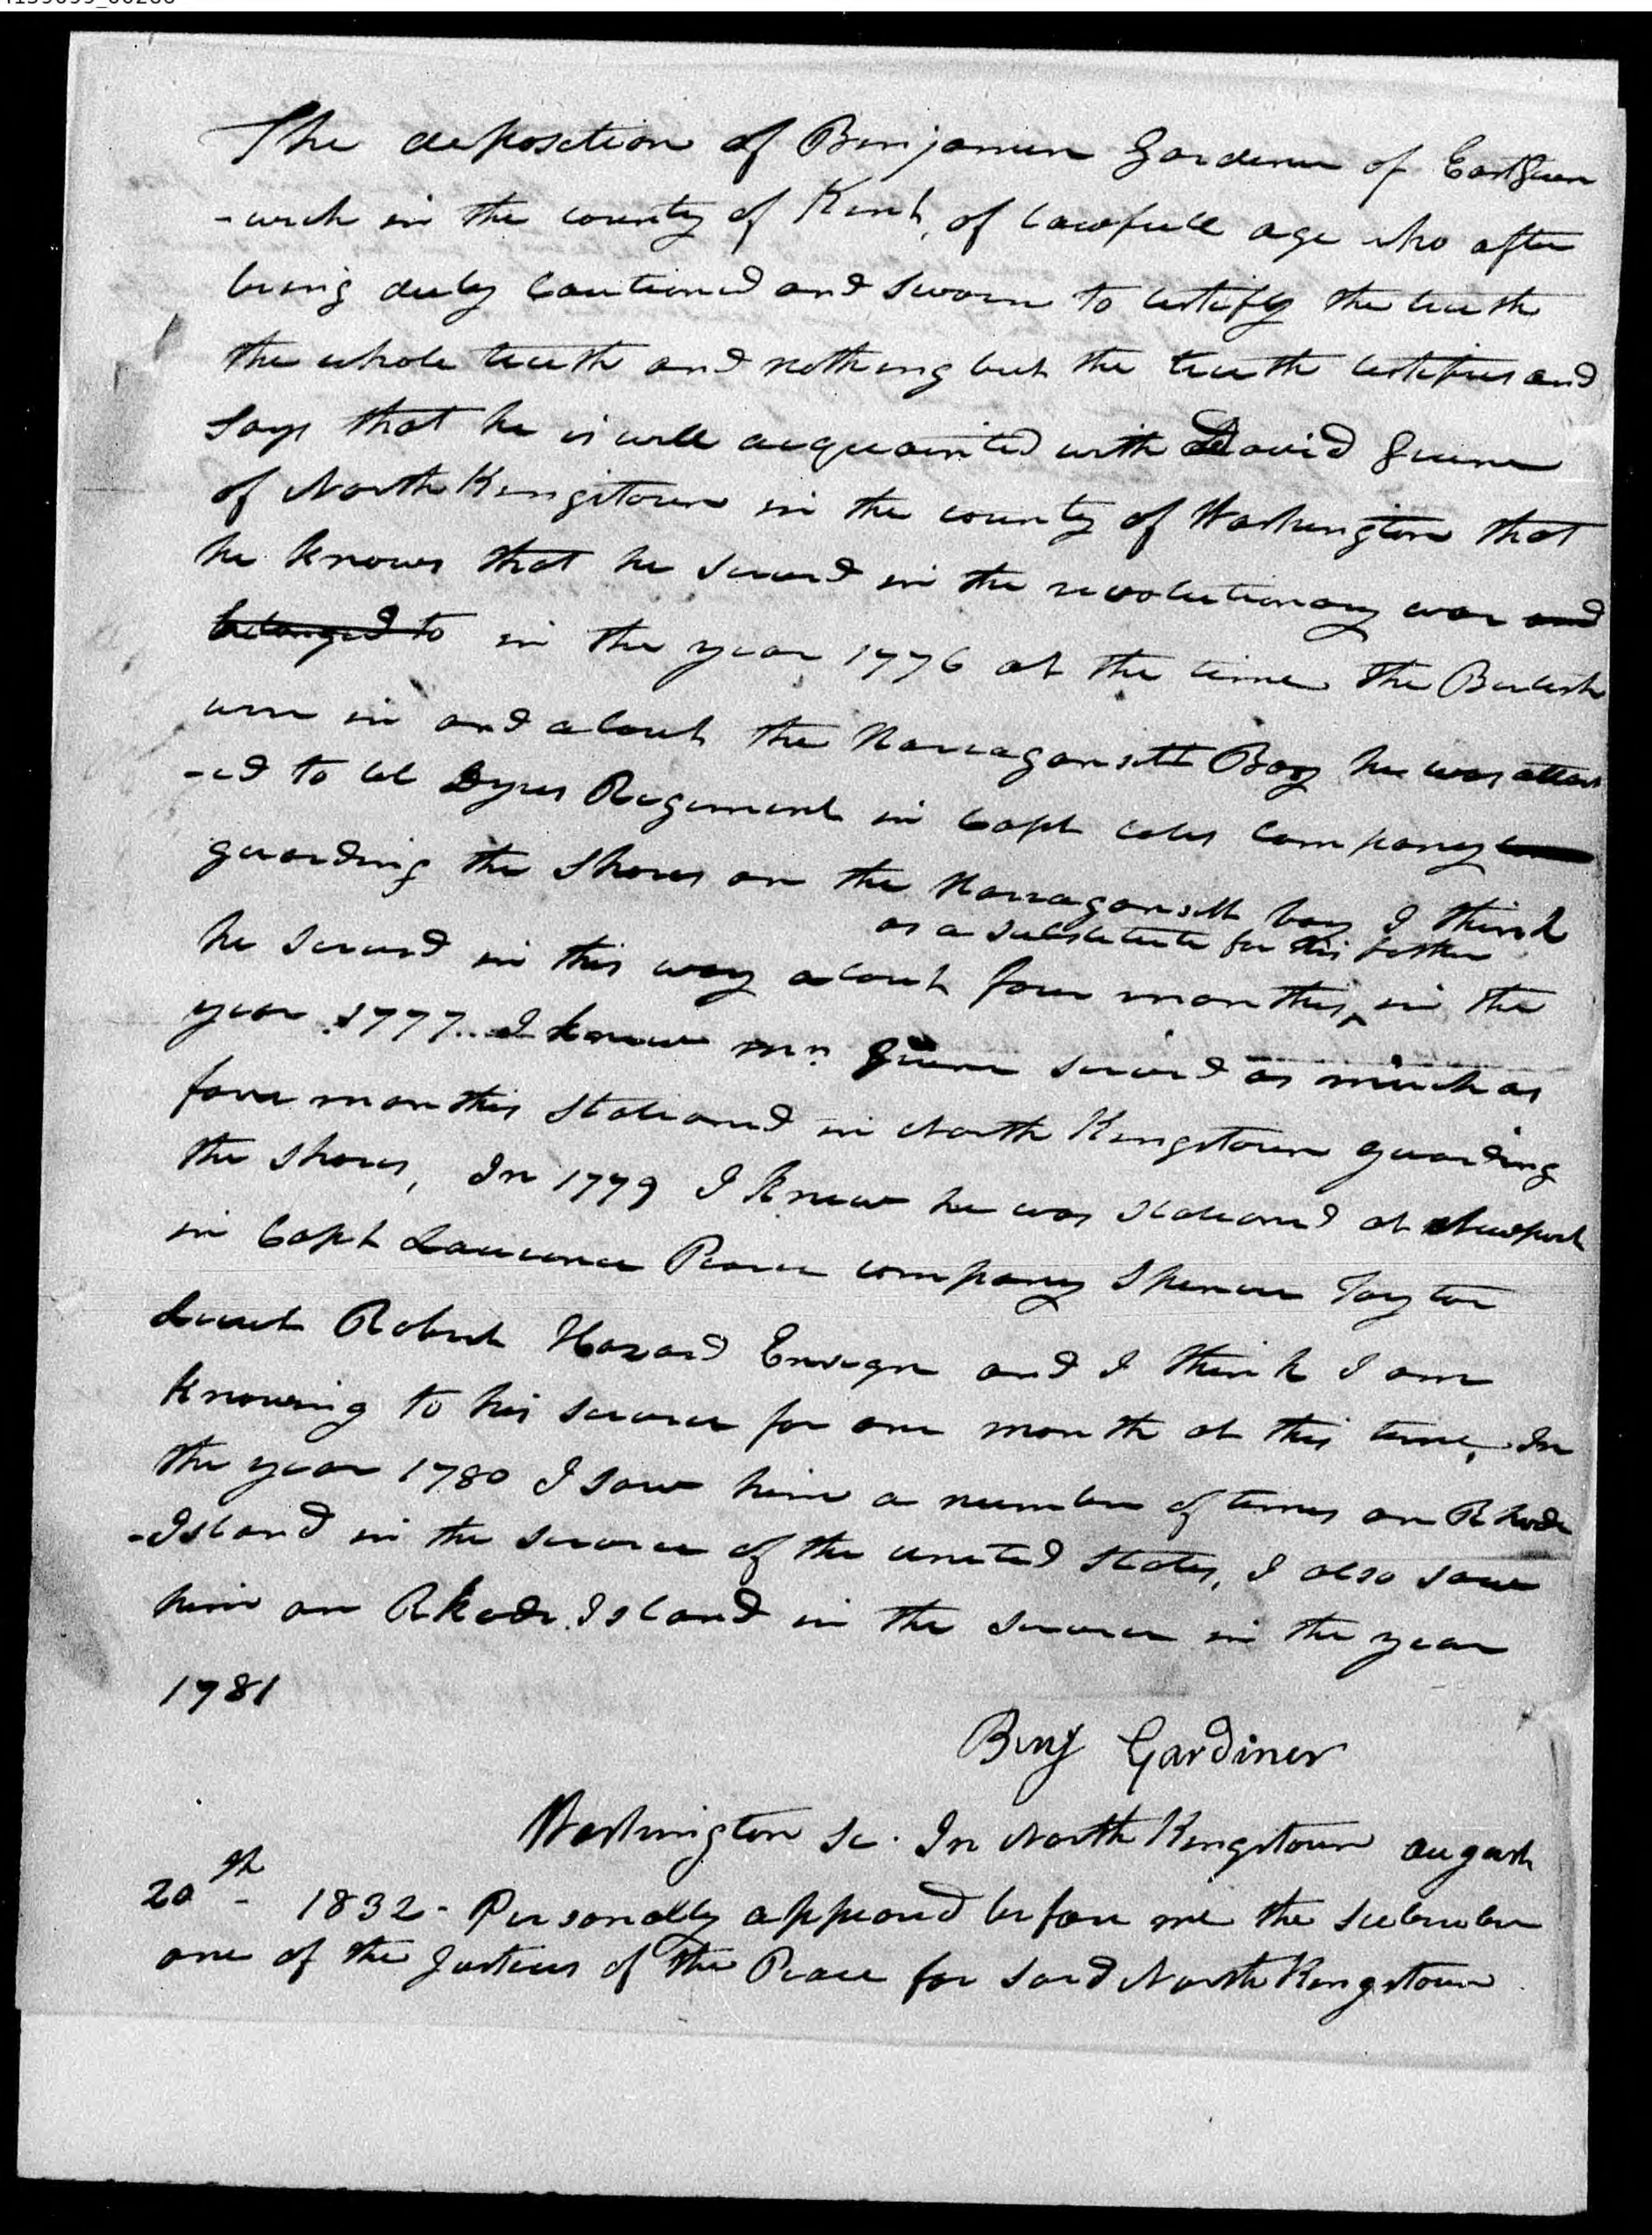The deposition of Benjamin Gardiner of East Shore within the county of Kent, of lawful age who after being duly cautioned and sworn to certify the truth the whole truth and nothing but the truth testifies and says that he is well acquainted with David Greene of North Kingstown in the county of Washington that he knows that he served in the revolutionary war and in the year 1776 at the time the British were in and about the Narragansett Bay.  He was attached to Col Dyer Regiment in Capt Coles Company guarding the shores on the Narragansett Bay.  I think he served in this way about four months or a substitute for his father in the year 1777.   I know Mr Greene served as much as four months stationed in North Kingstown guarding the shores.  In 1779 I know he was stationed at Newport in Capt Lawrence Peares company Thomas Taylor Lieut Robert Hazard Ensign and I think I am knowing to his service for one month at this time.  In the year 1780 I saw him a njumber of times on Rhode Island in the services of the United States,  I also saw him on Rhode Island in the services in the year 1781
                                            Benj Gardiner
   Washington Co. In North Kingstown Auguat 20th 1832 Personally appeared before me the subscriber one of the Justices of the Peace for said North Kingston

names: Benjamin Gardiner, David Greene, Spencer Taylor, Robert Hazard, Benj Gardiner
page: 4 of 27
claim: survivor's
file: S. 21,245, David Greene, R.I.